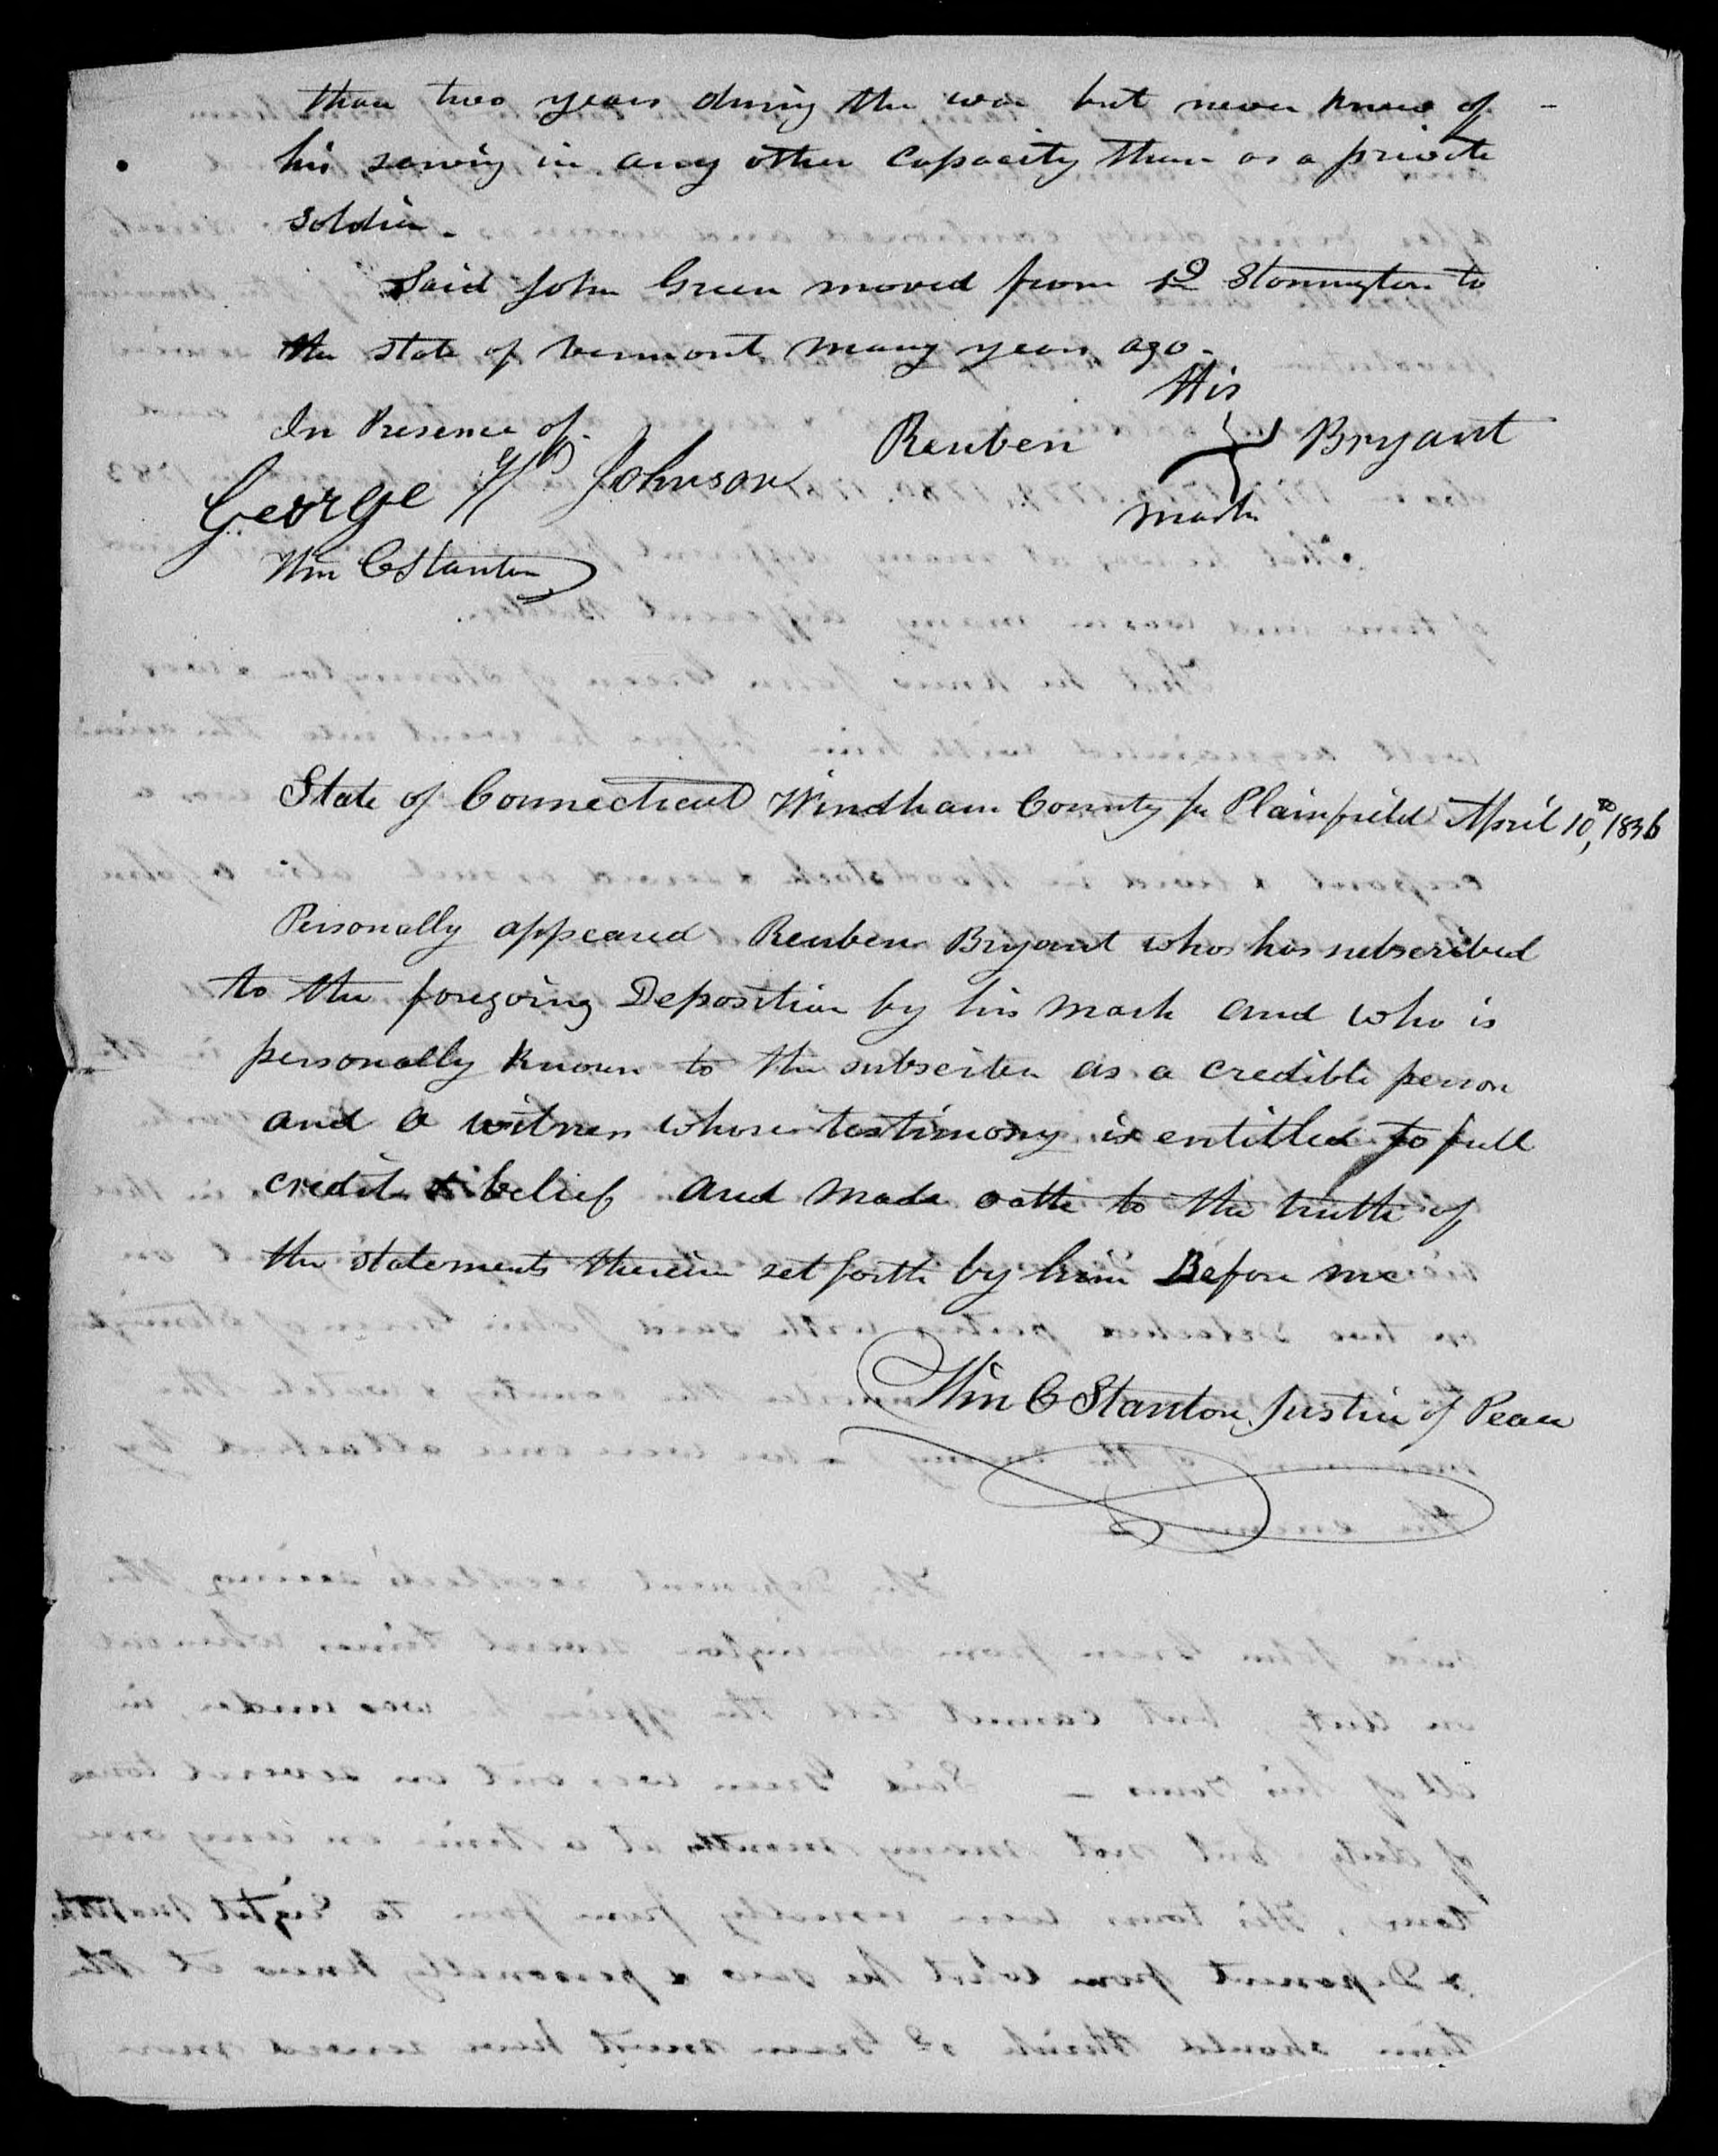than two years during the war but never knew of his serving in any other capacity than as a private soldier. 
Said John Green moved --- Stonington to
the State of Vermont many years ago.
Reuben Bryant (his mark)
In presence of George -- Johnson
Wm C. Stanton
State of Connecticut Windham County for Plainfield, April 10th, 1836
Personally appeared Reuben Bryant who has subscribed to the foregoing deposition by his mark and who is personally known to the subscriber as a credible person and a witness whose testimony is entitled to full credit & belief and made oath to the truth of the statements herein set forth by him before me.
Wm C. Stanton, Justice of Peace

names: Reuben Bryant, George W Johnson, Wm C Stanton, John Green, Reuben Bryant, Wm C Stanton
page: 23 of 40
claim: rejected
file: R. 4251, John Green, Conn.